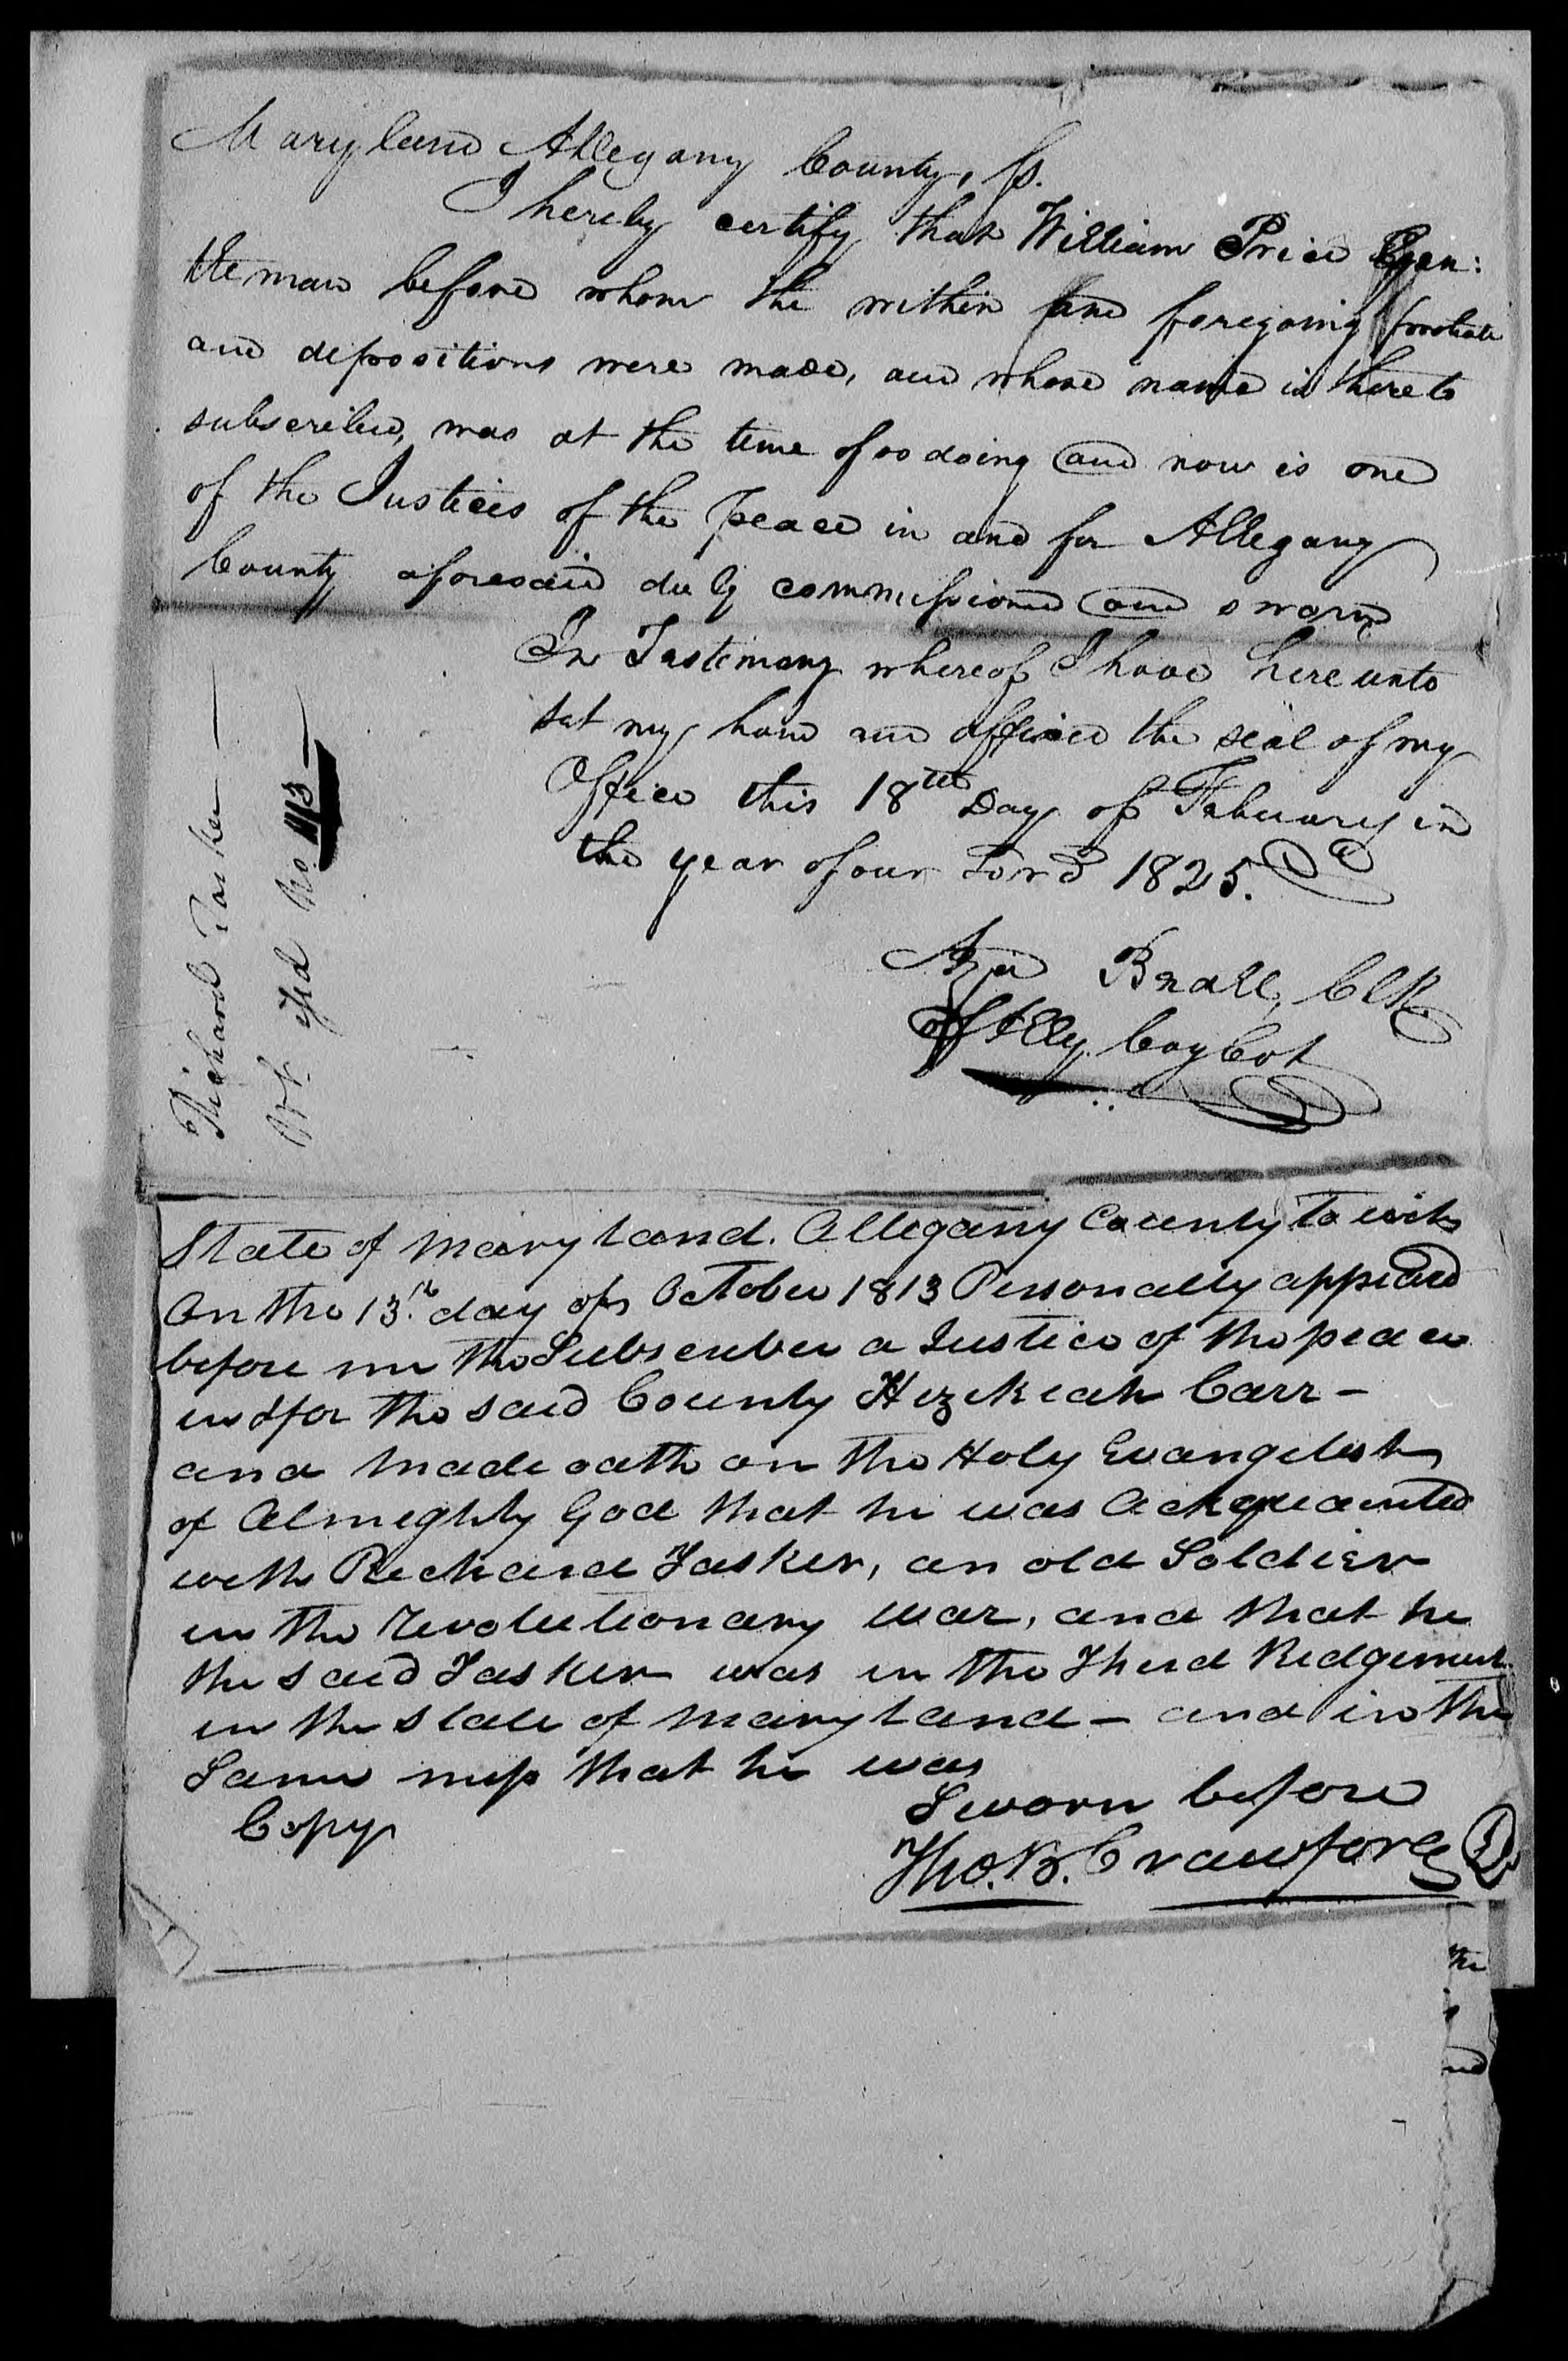Maryland Allegany County, Ss.
I hereby certify that William Price Esqr the man before whom the within and foregoing (illegible word) and depositions were made, and whose name is thereto subscribed, was at the time of so doing and now is one of the Justices of the peace in and for Allegany County aforesaid duly commissioned and sworn. In Testimony whereof I have hereunto set my hand and affixed the seal of my Office this 18th Day of February in the year of our Lord 1825.
A W Brall   Clk
Allegany Court

Richard Tasker
notified 413

State of Maryland, Allegany County to wit
On the 13th day of October 1813 Personally appeared before me the Subscriber a Justice of the peace in & for the said County Hezekeah Carr--and made oath on the Holy Evangelist of 
Almighty God that he was Acquainted with Richard Tasker, an old Soldier in the revolutionary war, and that he the said Tasker was in the Third Redgiment in the State of Maryland--and in the Same (illegible word) that he was
Sworn before Tho. B. Crawford

Copy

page: 7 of 25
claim: survivor's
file: S. 35093, for Richard R Tasker, Maryland